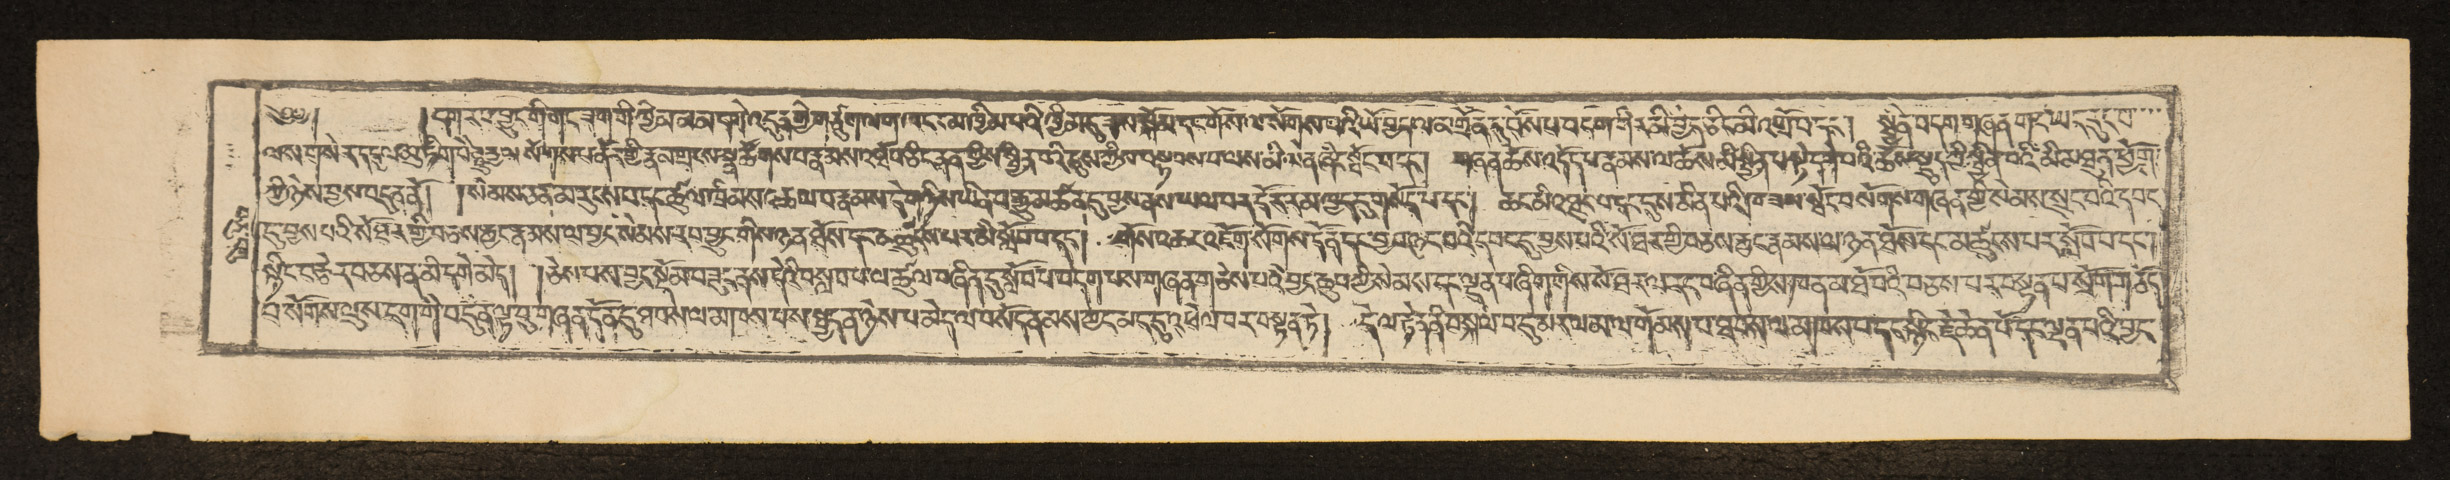༄༅། །དག་རབ་བྱུང་གི་གང་ཟག་གི་ཁྱེམ་མམ་དགེ་འདུན་གྱི་གཙུག་ལག་ཁང་ངམ་ཁྱིམ་པའི་ཁྱིམ་དུ་ཟས་སྐོམ་དང་གོས་ལ་སོགས་པའི་ཡོ་བྱད་ལ་མགྲོན་དུ་བོས་པ་བདག་གིར་མི་བྱེད་ཅིང་མི་འགྲོ་བ་དང་། སྦྱིན་བདག་གཞན་གང་ཡང་རུང་བ་
ལས་གསེར་དངུལ་མུ་ཏིག་བཻཌཱུརྱ་ལ་སོགས་པ་ནོར་གྱི་རྣམ་གྲངས་སྣ་ཚོགས་པ་རྣམས་འཐོབ་ཅིང་ནན་གྱིས་སྦྱིན་པའི་དུས་ཀྱིས་བསྟབས་པ་ལས་མི་ལེན་ཞིང་སྦོང་བ་དང་། གཞན་ཆོས་འདོད་པ་རྣམས་ལ་ཆོས་མི་སྦྱིན་པ་སྟེ་དགེ་བའི་ཆོས་སྡུད་ཀྱི་སྦྱིན་པའི་མི་མཐུན་ཕྱོགས་
ཀྱི་ཉེས་བྱས་བདུན་ནོ། །སེམས་ཅན་མ་རུངས་པ་དང་ཚུལ་ཁྲིམས་འཆལ་བ་རྣམས་དེ་གཉིས་ཡིན་པ་རྒྱུ་མཚན་དུ་བྱས་ནས་ཡལ་བར་དོར་རམ་ཁྱད་དུ་གསོད་པ་དང་། ཆང་མི་འཐུང་བ་དང་དུས་མིན་པའི་ཁ་ཟས་སྤོང་བ་སོགས་གཞན་གྱི་སེམས་སྲུང་བའི་དབང་
དུ་བྱས་པའི་སོ་ཐར་གྱི་བཅས་རྐྱང་རྣམས་ལ་བྱང་སེམས་རབ་བྱུང་གིས་ཉན་ཐོས་དང་མཚུངས་པར་མི་སློབ་པ་དང་། གོས་འཆང་འཇོག་སོགས་དོན་དང་བྱ་བ་ཉུང་བའི་དབང་དུ་བྱས་པའི་སོ་ཐར་གྱི་བཅས་རྐྱང་རྣམས་ལ་ཉན་ཐོས་དང་མཚུངས་པར་སློབ་པ་དང་།
སྙིང་བརྩེར་བཅས་ན་མི་དགེ་མེད། །ཅེས་པས་བྱང་སྡོམ་བཟུང་ནས་དེའི་བསླབ་པ་ལ་ཚུལ་བཞིན་དུ་སློབ་པ་བདག་པས་གཞན་གཅེས་པའི་བྱང་ཆུབ་ཀྱི་སེམས་དང་ལྡན་པ་ཞིག་གིས་སོ་ཐར་ལ་རང་བཞིན་གྱིས་ཁ་ན་མཐོ་བའི་བཅས་པར་བསྟན་པ་སྲོག་གཅོད་
བ་སོགས་ལུས་ངག་གི་བདུན་ལྟ་བུ་གཞན་དོན་དུ་ཐབས་ལ་མཁས་པས་སྦྱད་ན་ཉེས་པ་མེད་ལ་བསོད་ནམས་ཀྱང་མང་དུ་འཕེལ་བར་བསྟན་ཏེ། དེ་ལ་རྟེན་ནི་བསྐལ་བ་དུ་མར་ལམ་ལ་གོམས་པ་ཐབས་ལ་མཁས་པ་དང་སྙིང་རྗེ་ཆེན་པོ་དང་ལྡན་པའི་བྱང་